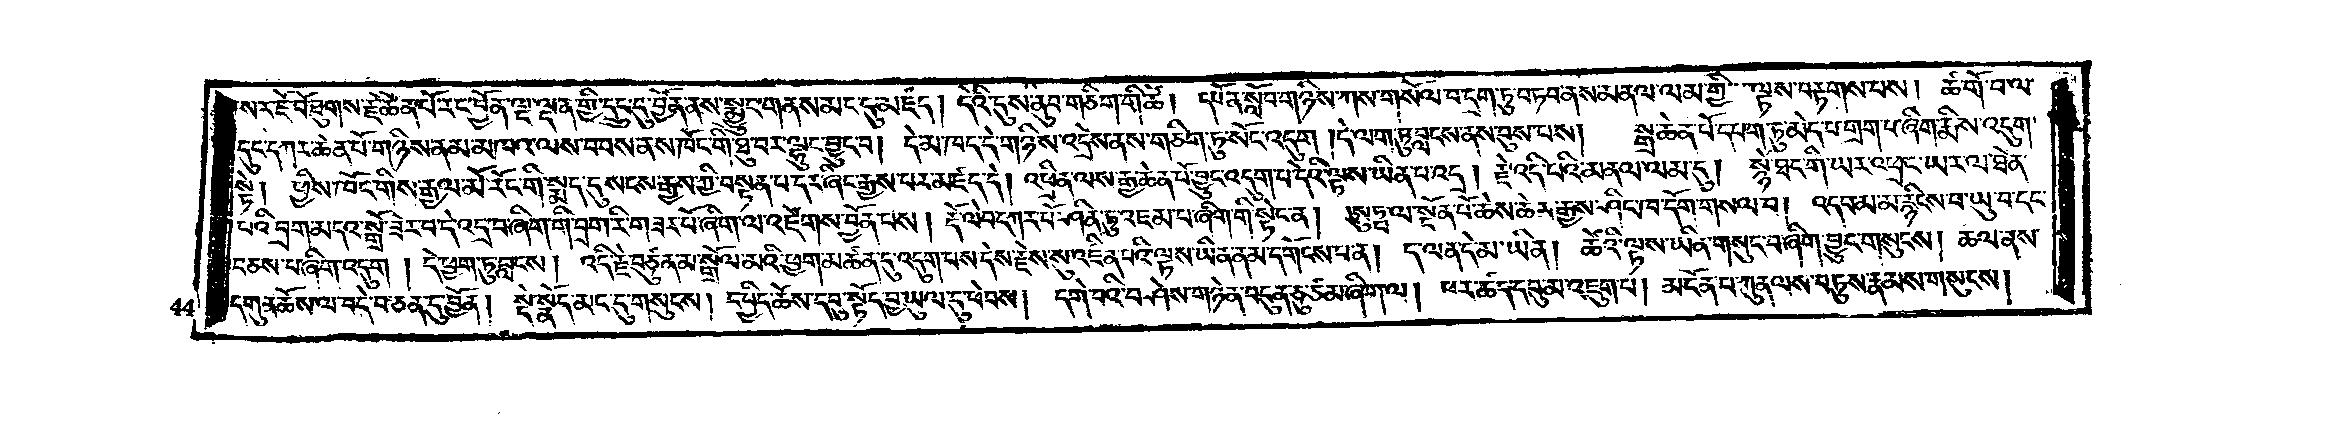སར་ཇོ་བོ་ཐུགས་རྗེ་ཆེན་པོ་རང་བྱོན་ལྔ་ལྡན་གྱི་དྲུང་དུ་བྱོན་ནས་སྨྱུང་གནས་མང་དུ་མཛད། དེའི་དུས་ནུབ་གཅིག་གི་ཚེ། དཔོན་སློབ་གཉིས་ཀས་གསོལ་བ་དྲག་ཏུ་བཏབ་ནས་མ་ནལ་ལམ་གྱི་ལྟས་བརྟགས་པས། ཚ་གོ་བ་ལ་
དུང་དཀར་ཆེན་པོ་གཉིས་ནམ་མཁའ་ལས་བབས་ནས་ཁོང་གི་ཐུ་བར་ལྷུང་བྱུང་བ། དེ་མ་ཁད་དེ་གཉིས་འདྲེས་ནས་གཅིག་ཏུ་སོང་འདུག །དེ་ལག་ཏུ་བླངས་ནས་བུས་པས། སྒྲ་ཆེན་པོ་དཔག་ཏུ་མེད་པ་གྲག་པ་ཞིག་རྨིས་འདུག་
སྟེ། ཕྱིས་ཁོང་གིས་རྒྱལ་མོ་རོང་གི་སྨད་དུ་སངས་རྒྱས་ཀྱི་བསྟན་པ་དར་ཞིང་རྒྱས་པར་མཛད་དེ། འཕྲིན་ལས་རྒྱ་ཆེན་པོ་བྱུང་འདུག་པ་དེའི་ལྟས་ཡིན་པ་འདྲ། རྗེ་འདི་པའི་མནལ་ལམ་དུ། སྙེ་ཐང་གི་ཡར་འཕྲང་ཡར་ལ་ཐེན་
པའི་བྲག་མདའ་སྒྲོ་ཟེར་བ་དེ་འདྲ་བ་ཞིག་གི་བྲག་རི་གཟར་པོ་ཞིག་ལ་འཛེགས་བྱོན་པས། རྡོ་ལེབ་དཀར་པོ་ཤིན་ཏུ་འཇམ་པ་ཞིག་གི་སྟེང་ན། ཨུཏྤ་ལ་སྔོན་པོ་ཆེས་ཆེར་རྒྱས་ཤིང་ཁ་དོག་གསལ་བ། འདབ་མ་མ་རྙིངས་པ་ཡུ་བ་དང་
བཅས་པ་ཞིག་འདུག། དེ་ཕྱག་ཏུ་བླངས། འདི་རྗེ་བཙུན་མ་སྒྲོལ་མའི་ཕྱག་མཚན་དུ་འདུག་པས་དེས་རྗེས་སུ་འཛིན་པའི་ལྟས་ཡིན་ནམ་དགོངས་པ་ན། ད་ལན་དེ་མ་ཡིན། ཚེའི་ལྟས་ཡིན་གསུང་བ་ཞིག་བྱུང་གསུངས། ཚལ་ནས་
དགུན་ཆོས་ལ་བདེ་བ་ཅན་དུ་བྱོན། སྡེ་སྣོད་མང་དུ་གསུངས། དཔྱིད་ཆོས་དབུ་སྟོད་བྱ་ཡུལ་དུ་ཕེབས། དགེ་བའི་བཤེས་གཉེན་བདུན་ཅུ་ཙམ་ཞིག་ལ། ཕར་ཚད་དབུ་མ་འཇུག་པ། མངོན་པ་ཀུན་ལས་བཏུས་རྣམས་གསུངས།